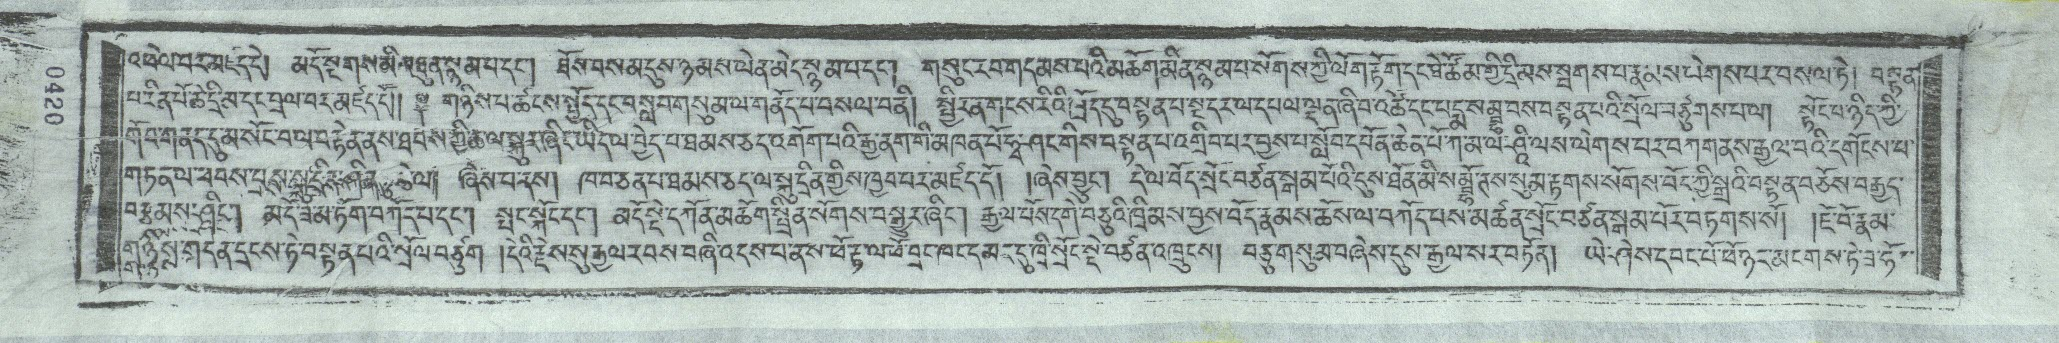འཕེལ་བར་མཛད་དེ། མདོ་སྔགས་མི་མཐུན་སྙམ་པ་དང་། ཐོས་བསམ་དུས་ཉམས་ལེན་མེད་སྙམ་པ་དང་། གསུང་རབ་གདམས་པའི་མཆོག་མིན་སྙམ་པ་སོགས་ཀྱི་ལོག་རྟོག་དང་ཐེ་ཚོམ་གྱི་དྲི་མས་སྦགས་པ་རྣམས་ལེགས་པར་བསལ་ཏེ། བསྟན་
པ་རིན་པོ་ཆེ་དྲི་མ་དང་བྲལ་བར་མཛད་དོ།། ༈ གཉིས་པ་ཚངས་སྤྱོད་དང་བསླབ་གསུམ་ལ་གནོད་པ་བསལ་བ་ནི། སྤྱིར་ན་གངས་རིའི་ཁྲོད་དུ་བསྟན་པ་སྔ་དར་ལ་དཔལ་ལྡན་ཞི་པ་འཚེ་དང་པདམ་སམྦྷ་བས་བསྟན་པའི་སྲོལ་བཙུགས་པ་ལ། སྟོང་པ་ཉིད་ཀྱི་
ཕ༹གོབ་གནད་དུ་མ་སོང་བ་ལ་བརྟེན་ནས་ཐབས་ཀྱི་ཆ་ལ་སྐུར་ཞིང་ཡིད་ལ་བྱེད་པ་ཐམས་ཅད་འགོག་པའི་རྒྱ་ནག་གི་མཁན་པོ་ཧྭ་ཤང་གིས་བསྟན་པ་འགྲིབ་པར་བྱས་པ་སློབ་དཔོན་ཆེན་པོ་ཀ་མ་ལ་ཤཱི་ལས་ལེགས་པར་བཀག་ནས་རྒྱལ་བའི་དགོངས་པ་
གཏན་ལ་ཕབས་པས་སྐུ་དྲིན་ཤིན་ཏུ་ཆེ་ལ། ཞེས་པ་ནས། ཁ་བ་ཅན་པ་ཐམས་ཅད་ལ་སྐུ་དྲིན་གྱིས་ཁྱབ་པར་མཛད་དོ། །ཞེས་བྱུང་། དེ་ལ་བོད་སྲོང་བཙན་སྒམ་པོའི་དུས་ཐོན་མི་སམྦྷོ་ཊས་སུམ་རྟགས་སོགས་བོད་ཀྱི་སྒྲའི་བསྟན་བཅོས་བྲ་རྒྱད་
བརྩམས་ཤིང་། མདོ་ཟ་མ་ཏོག་བཀོད་པ་དང་། སྤང་སྐོང་དང་། མདོ་སྡེ་དཀོན་མཆོག་སྤྲིན་སོགས་བསྒྱུར་ཞིང་། རྒྱལ་པོས་དགེ་བཅུའི་ཁྲིམས་བྱས་བོད་རྣམས་ཆོས་ལ་བཀོད་པས་མཚན་སྲོང་བཙན་སྒམ་པོར་བཏགས་སོ། །ཇོ་བོ་རྣམ་
གཉིས་གདན་དྲངས་ཏེ་བསྟན་པའི་སྲོལ་བཙུག །དེའི་རྗེས་སུ་རྒྱལ་རབས་བཞི་འདས་པ་ནས་ཕོ་རྟ་ལ་ཕོ་བྲང་ཁང་དམར་དུ་ཁྲི་སྲོང་སྡེ་བཙན་འཁྲུངས། བཅུ་གསུམ་བཞེས་དུས་རྒྱལ་སར་བཏོན། ཡེ་ཤེས་དབང་པོ་བོ་ཉང་མང་གས་ཏེ་ཟ་ཧོ་